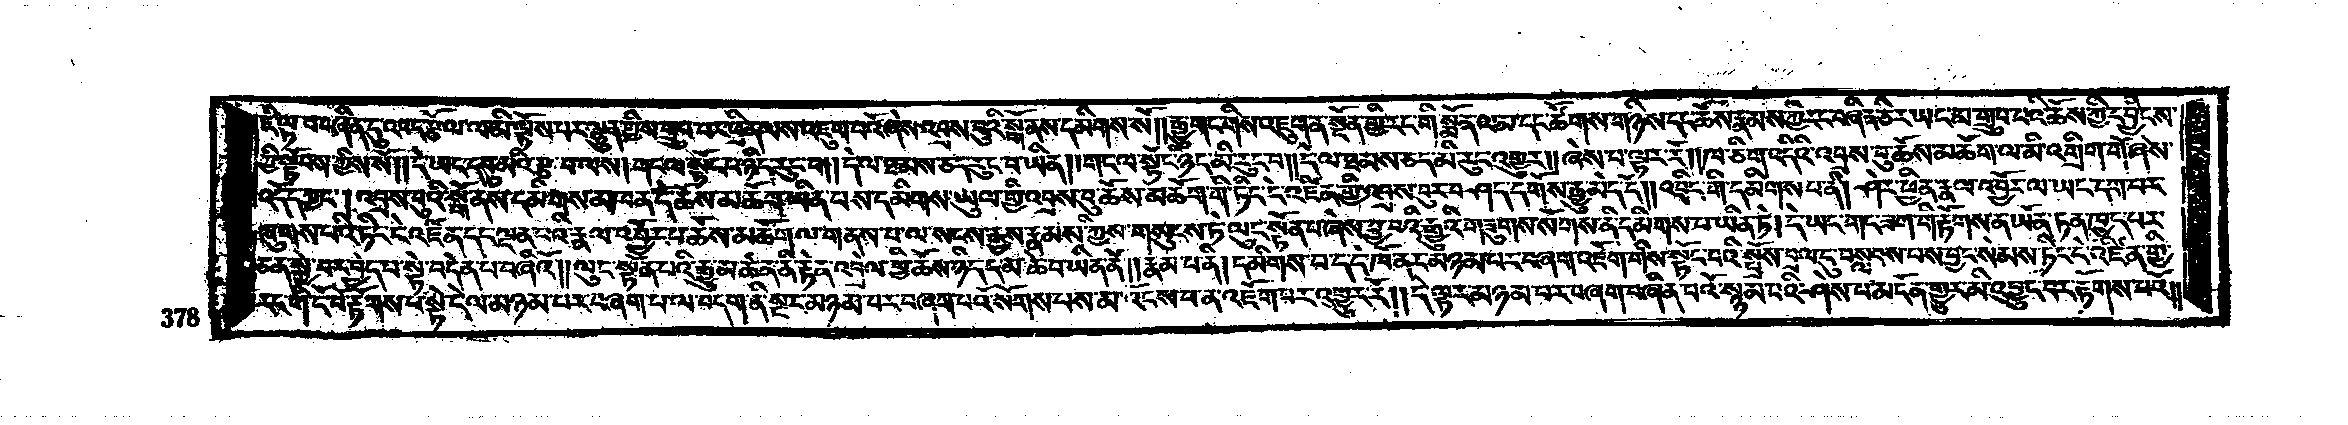ཇི་ལྟ་བ་བཞིན་དུ་འབད་རྩོལ་ལ་མི་ལྟོས་པར་ལྷུན་གྱིས་གྲུབ་པར་ཕྲིན་ལས་འཇུག་པའོ་ཞེས་འབྲས་བུའི་སྒོ་ནས་དམིགས་སོ། །རྒྱུ་གང་གིས་འཇུག་ན་སྔོན་གྱི་རང་གི་སྨོན་ལམ་དང་ཚོགས་གཉིས་དང་ཆོས་རྣམས་ཀྱི་རང་བཞིན་ཅིར་ཡང་མ་གྲུབ་པའི་ཆོས་ཀྱི་དབྱིངས་
ཀྱི་སྟོབས་ཀྱིས་སོ། །དེ་ཡང་དབུ་མའི་རྩ་བ་ལས། གང་ལ་སྟོང་པ་ཉིད་རུང་བ། །དེ་ལ་ཐམས་ཅད་རུང་བ་ཡིན། །གང་ལ་སྟོང་ཉིད་མི་རུང་བ། །དེ་ལ་ཐམས་ཅད་མི་རུང་འགྱུར། །ཞེས་པ་ལྟར་རོ། །ཁ་ཅིག་འདིའི་འབྲས་བུ་ཆོས་མཆོག་ལ་མི་འགྲིག་གཞས་
འདོད་ཀྱང་། འབྲས་བུའི་སྒོ་ནས་དམིགས་མཁན་དེ་ཆོས་མཆོག་ཡིན་པས་དམིགས་ཡུལ་གྱི་འབྲས་བུ་ཆོས་མཆོག་གི་ཏིང་ངེ་འཛིན་གྱི་འབྲས་བུར་བཤད་དགོས་རྒྱུ་མེད་དོ། །འབྲིང་གི་དམིགས་པ་ནི། ཤེར་ཕྱིན་རྣལ་འབྱོར་ལ་ཡང་དག་པར་
ཞུགས་པའི་ཏིང་ངེ་འཛིན་དང་ལྡན་པའི་རྣལ་འབྱོར་པ་ཆོས་མཆོག་ལ་གནས་པ་ལ་སངས་རྒྱས་རྣམས་ཀྱིས་གསུངས་ཏེ་ལུང་སྟོན་པ་ཞེས་བྱ་བའི་རྒྱུའི་གཟུགས་སོགས་ནི་དམིགས་པ་ཡིན་ཏེ། དེ་ཡང་གང་ཟག་གི་རྟོགས་ན་ཡོན་ཏན་ཁྱད་པར་
ཅན་སྐྱེ་བར་བྱེད་པ་སྟེ་བདེན་པ་བཞིའོ། །ལུང་སྟོན་པའི་རྒྱུ་མཚན་ནི་རྟེན་འབྲེལ་གྱི་ཆོས་ཉིད་དམ་ཆེ་བ་ཡིན་ནོ། །རྣམ་པ་ནི། དམིགས་པ་དེ་དེ་ཁོ་ནར་མཉམ་པར་བཞག་འཇོག་གིས་སྟོང་པའི་སྤྲོས་བྲལ་དུ་བསླབས་པས་བྱང་སེམས་ཏིང་ངེ་འཛིན་གྱི་
རང་གི་ངོ་བོ་རྟོགས་པ་སྟེ་དེ་ལ་མཉམ་པར་བཞག་པ་ལ་བདག་ནི་སྔར་མཉམ་པར་བཞག་པའོ་སོགས་པས་མ་འོངས་པ་ན་འཇོག་པར་འགྱུར་རོ། །ད་ལྟར་མཉམ་པར་བཞག་བཞིན་པའོ་སྙམ་པའི་ཤེས་པ་མངོན་གྱུར་མི་འབྱུང་བར་རྟོགས་པའོ། །